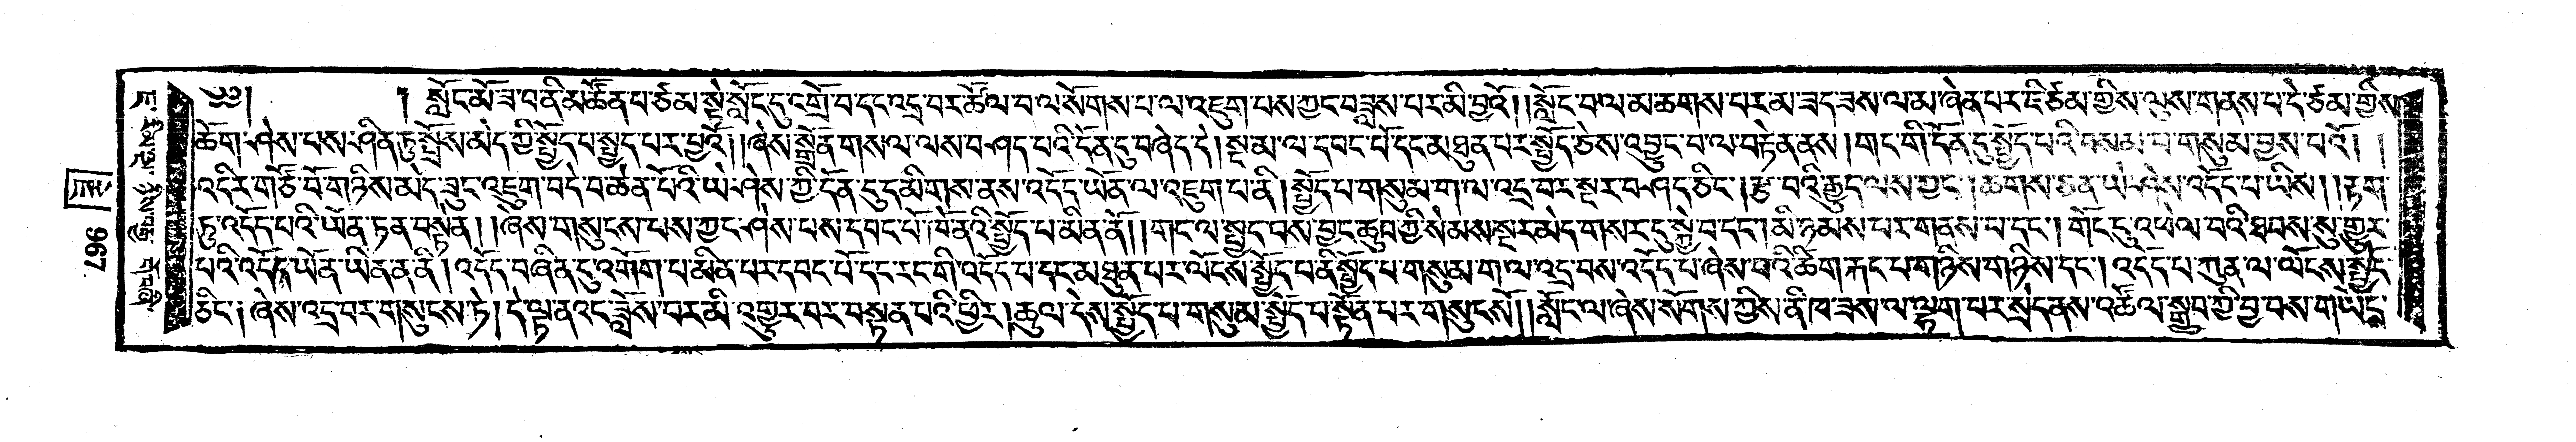༄༅། །སློང་མོ་ཟ་བ་ནི་མཚོན་པ་ཙམ་སྟེ་སློང་དུ་འགྲོ་བ་དང་འདྲ་བར་ཚོལ་བ་ལ་སོགས་པ་ལ་འཇུག་པས་ཀྱང་བཟླས་པར་མི་བྱའོ། །སློང་བ་ལ་མ་ཆགས་པར་མ་ཟད་ཟས་ལ་མ་ཞེན་པར་ཇི་ཙམ་གྱིས་ལུས་གནས་པ་དེ་ཙམ་གྱིས་
ཆོག་ཤེས་པས་ཤིན་ཏུ་སྤྲོས་མེད་ཀྱི་སྤྱོད་པ་སྤྱད་པར་བྱའོ། །ཞེས་སྒྲོན་གསལ་ལས་བཤད་པའི་དོན་དུ་བཞེད་དེ། སྔ་མ་ལ་དབང་པོ་དང་མཐུན་པར་སྤྱོད་ཅེས་འབྱུང་བ་ལ་བརྟེན་ནས། གང་གི་དོན་དུ་སྤྱོད་པའི་བསམ་པ་གསུམ་བྱས་པའོ། །
འདིར་གཙོ་བོ་གཉིས་མེད་ཟུང་འཇུག་བདེ་བ་ཆེན་པོའི་ཡེ་ཤེས་ཀྱི་དོན་དུ་དམིགས་ནས་འདོད་ཡོན་ལ་འཇུག་པ་ནི། སྤྱོད་པ་གསུམ་ག་ལ་འདྲ་བར་སྔར་བཤད་ཅིང་། རྩ་བའི་རྒྱུད་ལས་ཀྱང་། ཆགས་ཅན་ཡེ་ཤེས་འདོད་པ་ཡིས། །རྟག་
ཏུ་འདོད་པའི་ཡོན་ཏན་བསྟེན། །ཞེས་གསུངས་པས་ཀྱང་ཤེས་པས་དབང་པོ་ཁོ་ནའི་སྤྱོད་པ་མིན་ནོ། །གང་ལ་སྤྱད་པས་བྱང་ཆུབ་ཀྱི་སེམས་སྔར་མེད་གསར་དུ་སྐྱེ་བ་དང་། མི་ཉམས་པར་གནས་པ་དང་། གོང་དུ་འཕེལ་བའི་ཐབས་སུ་གྱུར་
པའི་འདོད་ཡོན་ཡིན་ན་ནི། འདོད་བཞིན་དུ་འགོག་པ་མིན་པར་དབང་པོ་དང་རང་གི་འདོད་པ་དང་མཐུན་པར་ལོངས་སྤྱོད་པ་ནི་སྤྱོད་པ་གསུམ་ག་ལ་འདྲ་བས་འདོད་པ་ཞེས་པའི་ཚིག་རྐང་པ་གཉིས་གཉིས་དང་། འདོད་པ་ཀུན་ལ་ལོངས་སྤྱོད་
ཅིང་། ཞེས་འདྲ་བར་གསུངས་ཏེ། དེ་ལྟ་ནའང་ཟློས་པར་མི་འགྱུར་བར་བསྟན་པའི་ཕྱིར། ཚུལ་དེས་སྤྱོད་པ་གསུམ་སྤྱོད་པ་སྟོན་པར་གསུངས་སོ། །སློང་ལ་ཞས་སོགས་ཀྱིས་ནི་ཁ་ཟས་ལ་ལྷག་པར་སྲེད་ནས་འཚོལ་སྒྲུབ་ཀྱི་བྱ་བས་གཡེངས་